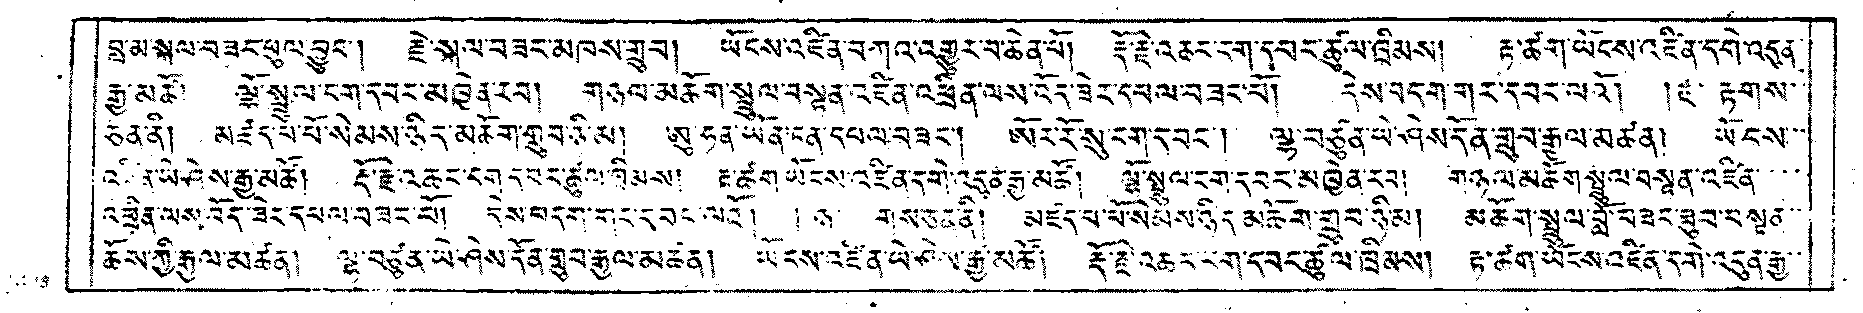བླ་མ་སྐལ་བཟང་ཕུལ་བྱུང་། རྗེ་སྐལ་བཟང་མཁས་གྲུབ། ཡོངས་འཛིན་བཀའ་འགྱུར་བ་ཆེན་པོ། རྡོ་རྗེ་འཆང་ངག་དབང་ཚུལ་ཁྲིམས། རྟ་ཚག་ཡོངས་འཛིན་དགེ་འདུན་
རྒྱ་མཚོ། ལྷོ་སྤྲུལ་ངག་དབང་མཁྱེན་རབ། གཉལ་མཆོག་སྤྲུལ་བསྟན་འཛིན་འཕྲིན་ལས་འོད་ཟེར་དཔལ་བཟང་པོ། དེས་བདག་གར་དབང་ལའོ། །རྔ་རྟགས་
ཅན་ནི། མཛད་པ་པོ་སེམས་ཉིད་མཆོག་གྲུབ་ཉི་མ། ཨུ་ཧན་ཡོན་ཏན་དཔལ་བཟང་། ཨོར་རོ་སུ་ངག་དབང་། ལྷ་བཙུན་ཡེ་ཤེས་དོན་གྲུབ་རྒྱལ་མཚན། ཡོངས་
འཛིན་ཡེ་ཤེས་རྒྱ་མཚོ། རྡོ་རྗེ་འཆང་ངག་དབང་ཚུལ་ཁྲིམས། རྟ་ཚག་ཡོངས་འཛིན་དགེ་འདུན་རྒྱ་གྱ་མཚོ། ལྷོ་སྤྲུལ་ངག་དབང་མཁྱེན་རབ། གཉལ་མཆོག་སྤྲུལ་བསྟན་འཛིན་
འཕྲིན་ལས་འོད་ཟེར་དཔལ་བཟང་པོ། དེས་བདག་གར་དབང་ལའོ། །ཉ་རྟགས་ཅན་ནི། མཛད་པ་པོ་སེམས་ཉིད་མཆོག་གྲུབ་ཉི་མ། མཆོག་སྤྲུལ་བློ་བཟང་ཐུབ་སྟན་
ཆོས་ཀྱི་རྒྱལ་མཚན། ལྷ་བཙུན་ཡེ་ཤེས་དོན་གྲུབ་རྒྱལ་མཚན། ཡོངས་འཛིན་ཡེ་ཤེས་རྒྱ་མཚོ། རྡོ་རྗེ་འཆང་ངག་དབང་ཚུལ་ཁྲིམས། རྟ་ཚག་ཡོངས་འཛིན་དགེ་འདུན་རྒྱ་